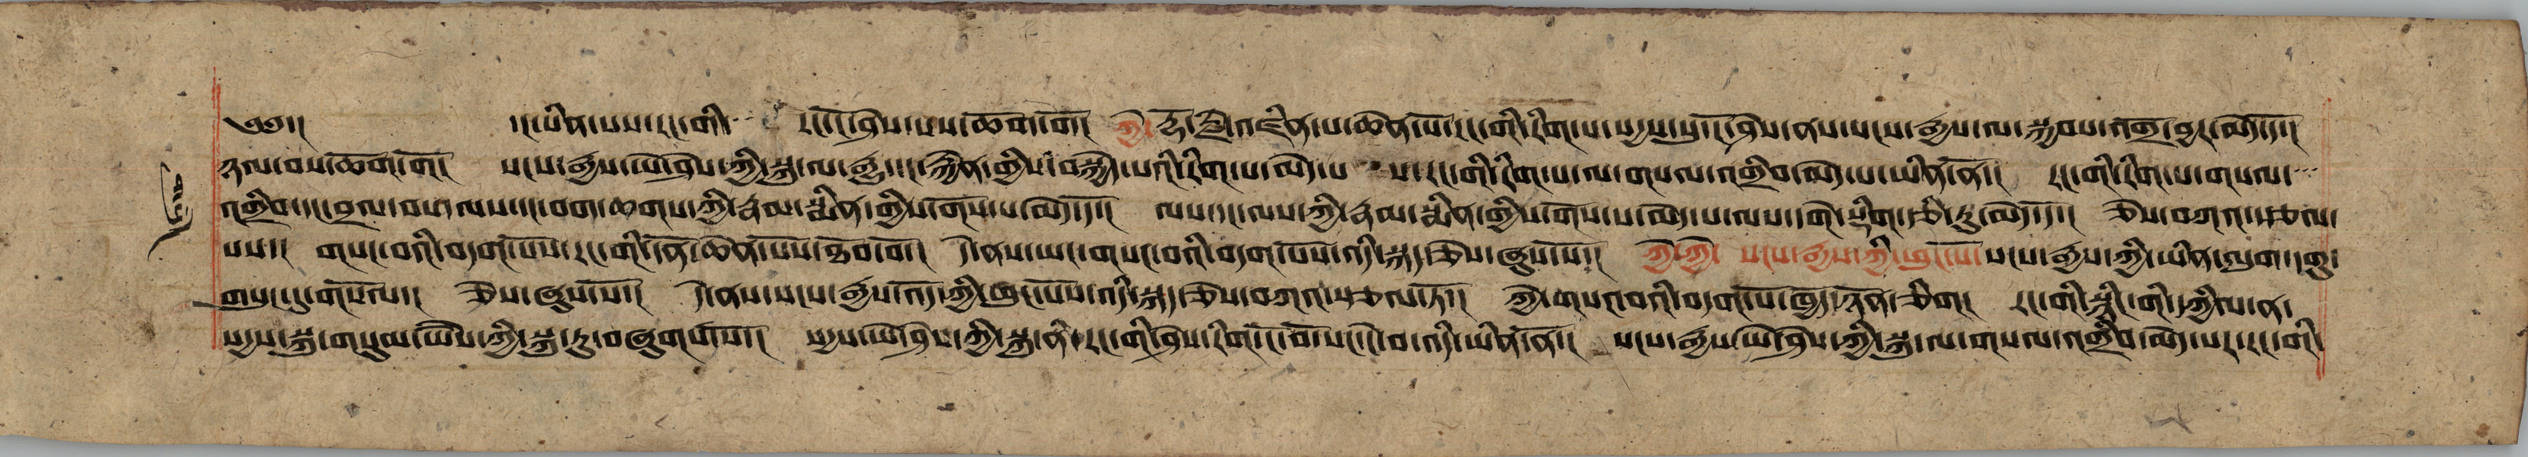༄༅་། ་།ཡིན་པས་རང་གི་ རངངོ་ཤེས་པས་ཆོག་གོ། ཀྱེ་རྡོ་རྗེ་འཛིན་པ་ཆེན་པོ་རང་གི་རིག་པ་སདྱས་སུ་ངོ་ཤེས་ནས་སངས་རྒྱས་ལ་སྐྱབས་འགྲོ་བྱར་མེད་དོ་།
ཉལ་བས་ཆོག་གོ། སངས་རྒྱས་ཡེ་ཤེས་ཀྱི་སྐུ་ལ་རྒྱུ་དང་རྐྱེན་གྱིས་བསྐྱེད་པའི་རིག་པ་མེད་པ ས་རང་གི་རིག་པ་ལ་གསལ་འགྲིབ་མེད་པ་ཡིན་ནོ། རང་གི་རིག་པ་གསལ་
འགྲིབ་དང་བྲལ་བས་ལས་དང་བག་ཆགས་ཀྱི་རྣམ་སྨིན་གྱིས་གོས་པ་མེད་དོ་། ལས་དང་ལས་ཀྱི་རྣམ་སྨིན་གྱིས་གོས་པ་མེད་པ་ལས་དགེ་སྡིག་རྩི་རུ་མེད་དོ་། ཅེས་བཀའ་སྩལ་
པས་། གསང་བའི་བདག་པོ་རང་གི་དོན་ཆེན་པོས་ཐོབ་བོ། དེ་ནས་ཡང་གསང་བའི་བདག་པོས་འདི་སྐད་ཅེས་ཞུས་སོ་། ཀྱེ་ཀྱེ་ སངས་རྒྱས་ཀྱི་ཕུང་པོ་སངས་རྒྱས་ཀྱི་ཡིན་ལུག་དགུ་
གསུང་དུ་གསོལ་། ཅེས་ཞུས་སོ་། དེ་ནས་སངས་རྒྱས་འོད་གྱི་ཕུང་པོས་འདི་སྐད་ཅེས་བཀའ་སྩལ་ཏོ་། ཀྱེ་གསང་བའི་བདག་པོ་ཁྱོད་ཉོན་ཅིག། རང་གི་སྙིང་གི་དཀྱིལ་ན་
སདྱས་སྐུ་གསུམ་ཡཻས་ཀྱི་སྐུ་རུ་བཞུགས་སོ་། སདྱས་ཡེ་ཤེས་གྱི་སྐུ་ནི་རང་གི་ཤེས་རིག་ངོ་བོ་སང་ངེ་་བ་འདི་ཡིན་ནོ་། སངས་རྒྱས་ཡེ་ཤེས་ཀྱི་སྐུ་ལ་གསལ་འགྲིབ་མེད་པར་རང་གི་